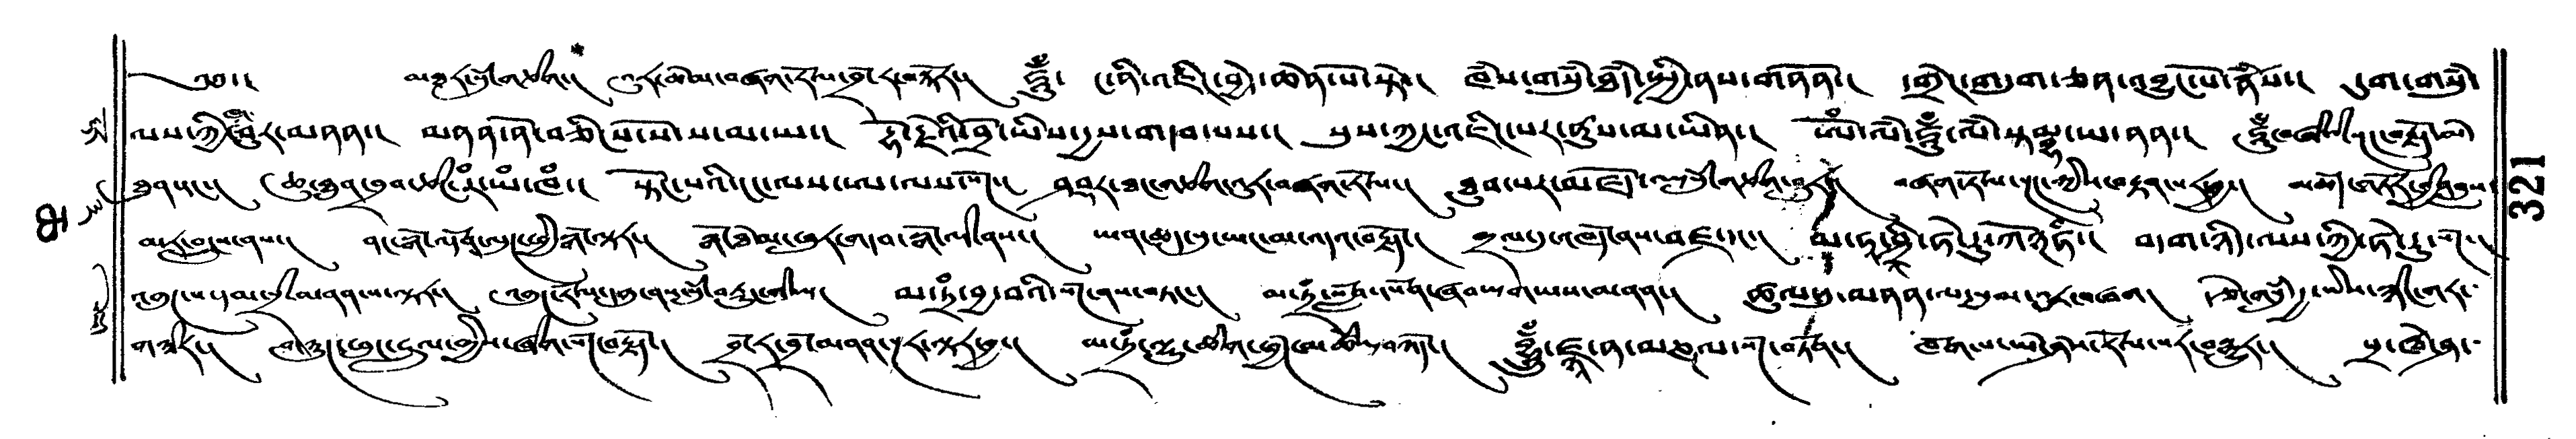མཐར་སུམ་གཅིག །འུར་ཆེམ་བཞག་རོལ་བྲོ་ར་བསྐོར། ཧཱུྃ། །ང་ནི་འཇིགས་བྱེད་ཆེན་པོ་སྟེ། ཁམས་གསུམ་ཐམས་ཅད་སྤྱི་ནས་གནོན། །དགྲ་བགེགས་གདུག་ཅན་འབྱུང་པོ་རྣམས། །དུག་གསུམ་
ལས་ཀྱི་ཁང་བུར་མནན། །མནན་ནོ་བཅིངས་སོ་ས་མ་ཡ། །རྡོ་རྗེའི་བྲོ་ཡིས་རྒྱས་གདབ་པས། །སུས་ཀྱང་འཇིག་པར་ནུས་མ་ཡིན། །ཨོཾ་ལྃ་ཧཱུྃ་ལྃ་སྟམྦྷ་ཡ་ནན། ཧཱུྃ་བཞིའི་སྔགས་བརྗོད་མེ་
ཐུན་དང་། །ཆུ་ཐུན་བྲབ་ཅིང་རྃ་ཡྃ་ཁྃ། །སྟོང་པའི་ངང་ལས་ཨ་ལས༴ སོགས། །ཤབྡ ར་ཐང་གཅིག་འུར་བཞག་རོལ། །ཐུབ་པར་མཛོད་ལ་སུམ་གཅིག་འུར། །བཞག་རོལ་སྔགས་ཀྱིས་བརྟན་པར་བྱ། །མཆོད་གཏོར་བྱིན་རླབས་
མར་བླངས་ནས། །ནང་སྒོར་འདོན་ལུགས་ཕྱི་སྒོ་ལྟར། །སྒོ་ཐེམ་ཕུར་གདབ་སྒོ་འདི་ནས། །ཡན་ཆད་སུ་ཡང་མ་འདའ་བརྗོད། །གྲལ་དུ་འཁོད་ནས་བཛྲ་དང་། མ་ཧཱ་ཤྲཱི་ཧེ་རུ་ཀོ྅ཧཾ། །བདག་ཉིད་ལས་ཀྱི་ཧེ་རུ༴ སོགས། །
འགུགས་པ་དམ་སྲི་མནན་པ་ལྟར། །འགུགས་རོལ་དགུ་ནས་སུམ་རྡུང་གིས། མ་ཏྲཾ་བྱ་བའི༴ སོགས་ནས་བཏང་། །མ་ཏྲཾ་སློབ་དཔོན་ཞབས་གཡས་མནན། །ཚུལ་དུ་མནན་ལ་སུམ་འུར་བཞག །རྩེ་གསུམ་རྒྱ་ཡིས་སྙིང་གར་
གཟིར། །གཟུགས་ཕུང་ཧྲུལ་གྱིས་ཞིག་སོགས་བརྗོད། །བྲོ་ར་བྲོ་མནན་སྔར་ལྟར་བྱ། །མ་ཏྲཾ་ལྷུ་ཚིགས་ཕྱོགས་མཚམས་བཀོད། ། བྷྲཱུྃ་ཛྙཱ་ན་མཎྜལ༴ སོགས་བཏོན། །ཁོག་པ་ཡེ་ཤེས་རོལ་པར་བསྒྱུར། །པྲ་ཝེ་ཤ་